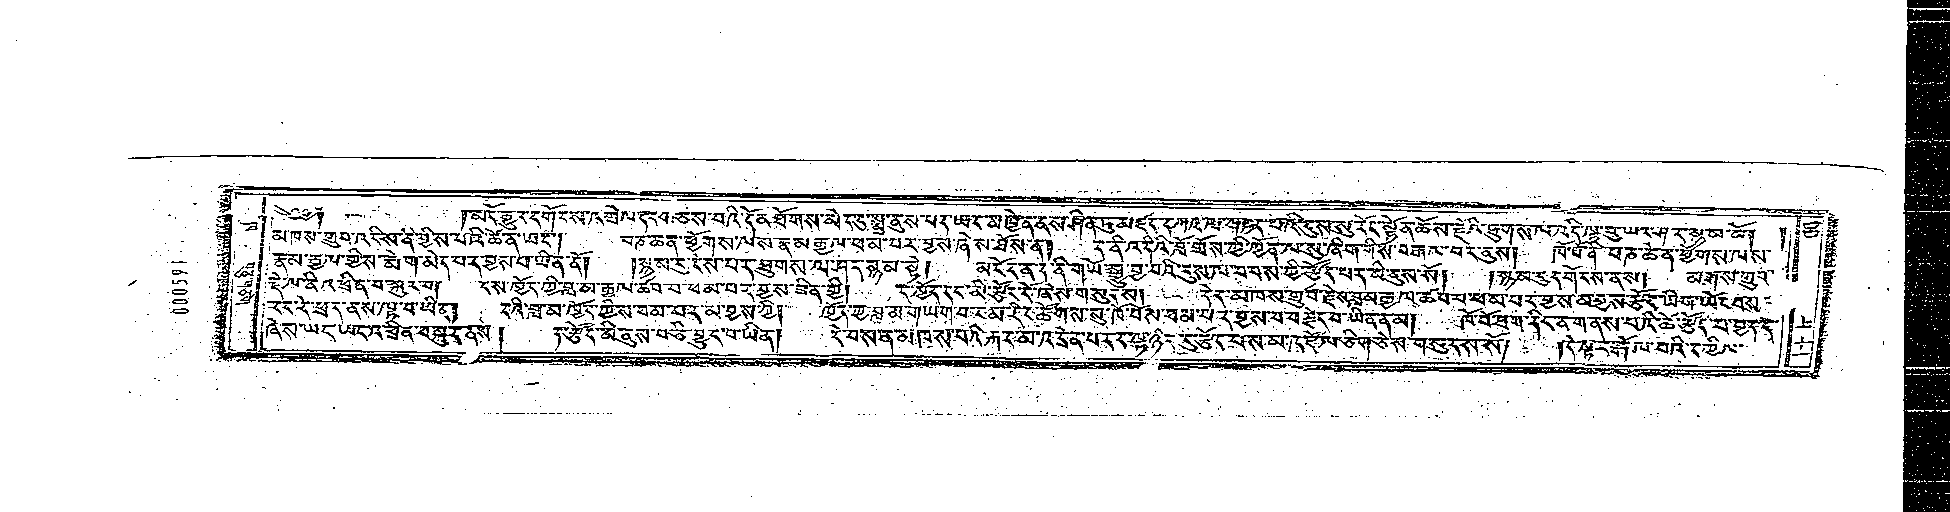༄༅། །མདོ་རྒྱུད་དགོངས་འགྲེལ་དང་བཅས་པའི་དོན་ཐོགས་མེད་དུ་སྨྲ་ནུས་པར་ཡང་མཁྱེན་ནས་ཤིན་ཏུ་མཛད་དཀའ་ལ་གཏད་པའི་དུས་སུ་རོང་སྟོན་ཆོས་རྗེའི་ཐུགས་ལ་འདི་ལྟ་བུ་ཡང་ཤར་སྙམ་མོ། །
མཁས་གྲུབ་འདིས་ནི་བྱིས་པའི་ཚེ་ན་ཡང་། པཎ་ཆེན་ཕྱོགས་ལས་རྣམ་རྒྱལ་ཕམ་པར་བྱས་ཞེས་ཐོས་ན། ད་ནི་འདིའི་བློ་གྲོས་ཀྱི་ཀྱོན་ལ་སུ་ཞིག་གིས་བརྒལ་བར་ནུས། ཁོ་བོ་ནི་པཎ་ཆེན་ཕྱོགས་ལས་
རྣམ་རྒྱལ་གྱིས་རྨེག་མེད་པར་བྱས་པ་ཡིན་ནོ། །སྙམ་དུ་ངེས་པར་ཐུགས་ལ་ཤར་སྙམ་སྟེ། མདོར་ན་ད་ནི་གཡོ་སྒྱུ་བྱ་བའི་དུས་ལ་བབས་ཀྱི་རྩོད་པར་མི་ནུས་སོ། །སྙམ་དུ་དགོངས་ནས། མཁས་གྲུབ་
རྗེ་ལ་ནི་འཕྲིན་བསྐུར་བ། ངས་ཁྱོད་ཀྱི་བླ་མ་རྒྱལ་ཚབ་པ་ཕམ་པར་བྱས་ཟིན་གྱི། ད་ཁྱོད་དང་མི་རྩོད་དོ་ཞེས་གསུངས། དེར་མཁས་གྲུབ་རྗེས་བླ་མ་རྒྱལ་ཚབ་པ་ཕམ་པར་བྱས་མ་བྱས་རྩོད་ཡིག་ཡོང་བས་
རང་རེ་ཕྲད་ནས་ལྟ་བ་ཡིན། ངའི་བླ་མ་ཁྱོད་ཀྱི་ས་ཕམ་པར་མ་བྱས་ཀྱི། ཁྱོད་ཀྱི་བླ་མ་གཡག་པ་ངམ་རིང་ཚོགས་སུ་ཁོ་བོས་ཕམ་པར་བྱས་པ་བརྗེད་པ་ཡིན་ནམ། ཁོ་བོ་ཐག་རིང་ན་གནས་པའི་ཚེ་རྩོད་པ་བྱད་ད་
ཞེས་ཡང་ཡང་འཕྲིན་བསྐུར་ནས། ད་རྩོད་མི་ནུས་པ་ཅི་བྱུང་བ་ཡིན། དེ་བས་ན་མཁས་པའི་རྐང་མ་འདྲེན་པ་དང་ལྟ་ཉིད་དུ་རྩོད་པས་མ་འཛོལ་ཅིག་ཅེས་གསུངས་སོ། །དེ་ལྟར་རྒོལ་བའི་དཀྱིལ་